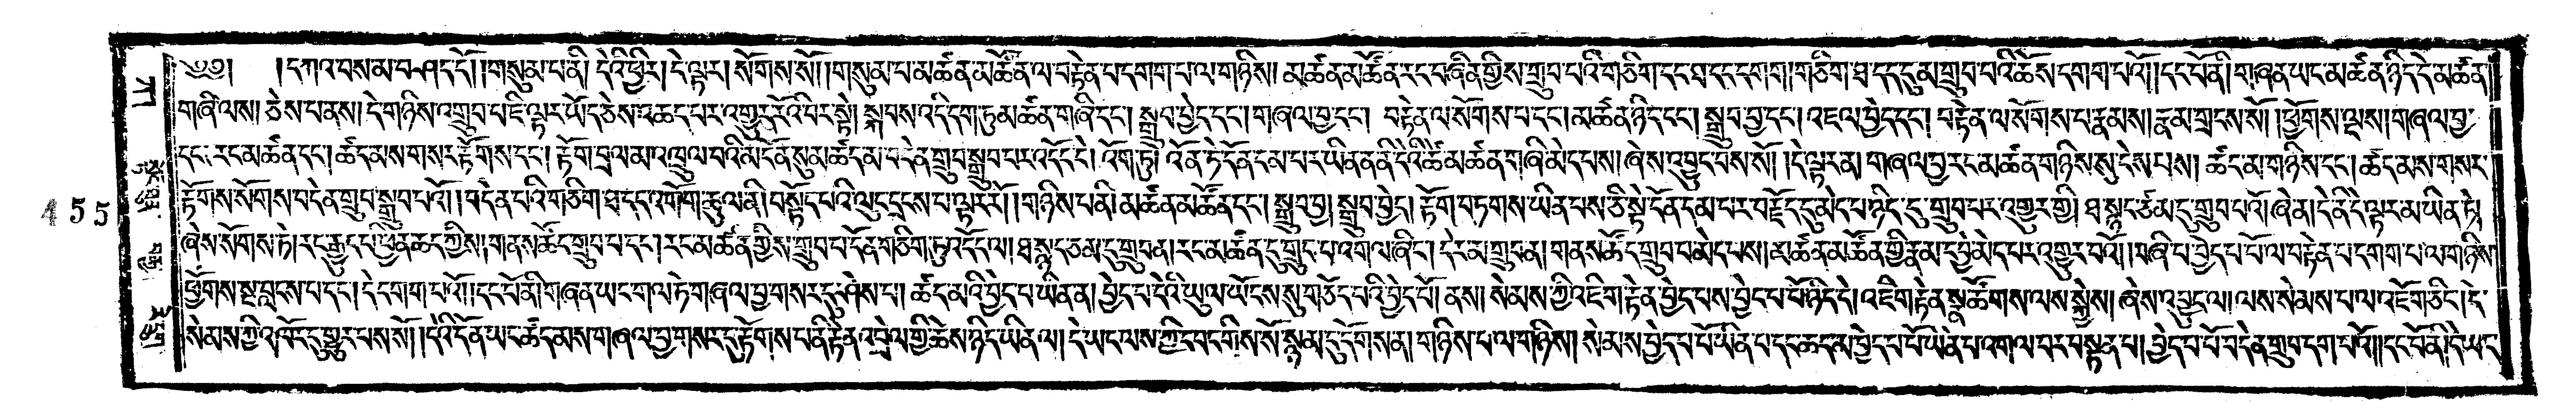༄༅། །དཀའ་བས་མ་བཤད་དོ། །གསུམ་པ་ནི། དེའི་ཕྱིར། དེ་ལྟར། སོགས་སོ། །གསུམ་པ་མཚན་མཚོན་ལ་བརྟེན་པ་དགག་པ་ལ་གཉིས། མཚན་མཚོན་རང་བཞིན་གྱིས་གྲུབ་པའི་གཅིག་དང་ཐ་དད་དགག། གཅིག་ཐ་དད་དུ་མ་གྲུབ་པའི་ཆོས་དགག་པའོ། །དང་པོ་ནི། གཞན་ཡང་མཚན་ཉིད་དེ་མཚན་
གཞི་ལས། ཅེས་པ་ནས། དེ་གཉིས་འགྲུབ་པ་ཇི་ལྟར་ཡོད་ཅེས་འཆད་པར་འགྱུར་རོའི་བར་སྟེ། སྐབས་འདི་དག་ཏུ་མཚན་གཞི་དང་། སྒྲུབ་བྱེད་དང་། གཞལ་བྱ་དང་། བརྟེན་ལ་སོགས་པ་དང་། མཚན་ཉིད་དང་། སྒྲུབ་བྱ་དང་། འཇལ་བྱེད་དང་། བརྟེན་ལ་སོགས་པ་རྣམས། རྣམ་གྲངས་སོ། །ཕྱོགས་ལྔས། གཞལ་བྱ་
དང༑ རང་མཚན་དང་། ཚད་མས་གསར་རྟོགས་དང་། རྟོག་བྲལ་མ་འཁྲུལ་བའི་མངོན་སུམ་ཚད་མ་བདེན་གྲུབ་སྒྲུབ་པར་འདོད་དེ། འོག་ཏུ། འོན་ཏེ་དོན་དམ་པར་ཡིན་ན་ནི་དེའི་ཚེ་མཚན་གཞི་མེད་པས། ཞེས་འབྱུང་བས་སོ། །དེ་ལྟར་ན། གཞལ་བྱ་རང་མཚན་གཉིས་སུ་ངེས་པས། ཚད་མ་གཉིས་དང་། ཚད་མས་གསར་
རྟོགས་སོགས་བདེན་གྲུབ་སྒྲུབ་པའོ། །བདེན་པའི་གཅིག་ཐ་དད་འགེག་ཚུལ་ནི། བསྟོད་པའི་ལུང་དྲངས་པ་ལྟར་རོ། །གཉིས་པ་ནི། མཚན་མཚོན་དང་། སྒྲུབ་བྱ། སྒྲུབ་བྱེད། རྟོག་བཏགས་ཡིན་པས་ཅི་སྟེ་དོན་དམ་པར་བརྗོད་དུ་མེད་པ་ཉིད་དུ་གྲུབ་པར་འགྱུར་གྱི། ཐ་སྙད་ཙམ་དུ་གྲུབ་པའོ། ཞེ་ན། དེ་ནི་དེ་ལྟར་མ་ཡིན་ཏེ།
ཞེས་སོགས་ཏེ། རང་རྒྱུད་པ་ཕྱིན་ཆད་ཀྱིས། གནས་ཚོད་གྲུབ་པ་དང་། རང་མཚན་གྱིས་གྲུབ་པ་དོན་གཅིག་ཏུ་འདོད་ལ། ཐ་སྙད་ཙམ་དུ་གྲུབ་ན། རང་མཚན་དུ་གྲུབ་པ་འགལ་ཞིང་། དེར་མ་གྲུབ་ན། གནས་ཚོད་གྲུབ་པ་མེད་པས། མཚན་མཚོན་གྱི་རྣམ་དབྱེ་མེད་པར་འགྱུར་བའོ། །བཞི་པ་བྱེད་པ་པོ་ལ་བརྟེན་པ་དགག་པ་ལ་གཉིས་
ཕྱོགས་སྔ་བླངས་པ་དང་། དེ་དགག་པའོ། །དང་པོ་ནི། གཞན་ཡང་གལ་ཏེ་གཞལ་བྱ་གསར་དུ་ཤེས་པ། ཚད་མའི་བྱེད་པ་ཡིན་ན། བྱེད་པ་དེའི་ཡུལ་ཡོངས་སུ་གཅོད་པའི་བྱེད་པོ། ནས། སེམས་ཀྱི་འཇིག་རྟེན་བྱེད་པས་བྱེད་པ་པོ་ཉིད་དེ། འཇིག་རྟེན་སྣ་ཚོགས་ལས་སྐྱེས། ཞེས་འབྱུང་ལ། ལས་སེམས་པ་ལ་འཇོག་ཅིང་། དེ་
སེམས་ཀྱི་འཁོར་དུ་གྱུར་པས་སོ། །དེའི་དོན་ཡང་ཚད་མས་གཞལ་བྱ་གསར་དུ་རྟོགས་པ་ནི་རྟེན་འབྲེལ་གྱི་ཆོས་ཉིད་ཡིན་ལ། དེ་ཡང་ལས་ཀྱི་དབང་གིས་སོ་སྙམ་དུ་དོགས་ན། གཉིས་པ་ལ་གཉིས། སེམས་བྱེད་པ་པོ་ཡིན་པ་དང་ཚད་མ་བྱེད་པ་པོ་ཡིན་པ་འགལ་བར་བསྟན་པ། བྱེད་པ་པོ་བདེན་གྲུབ་དག་པའོ། །དང་པོ་ནི་།དེ་ཡང་